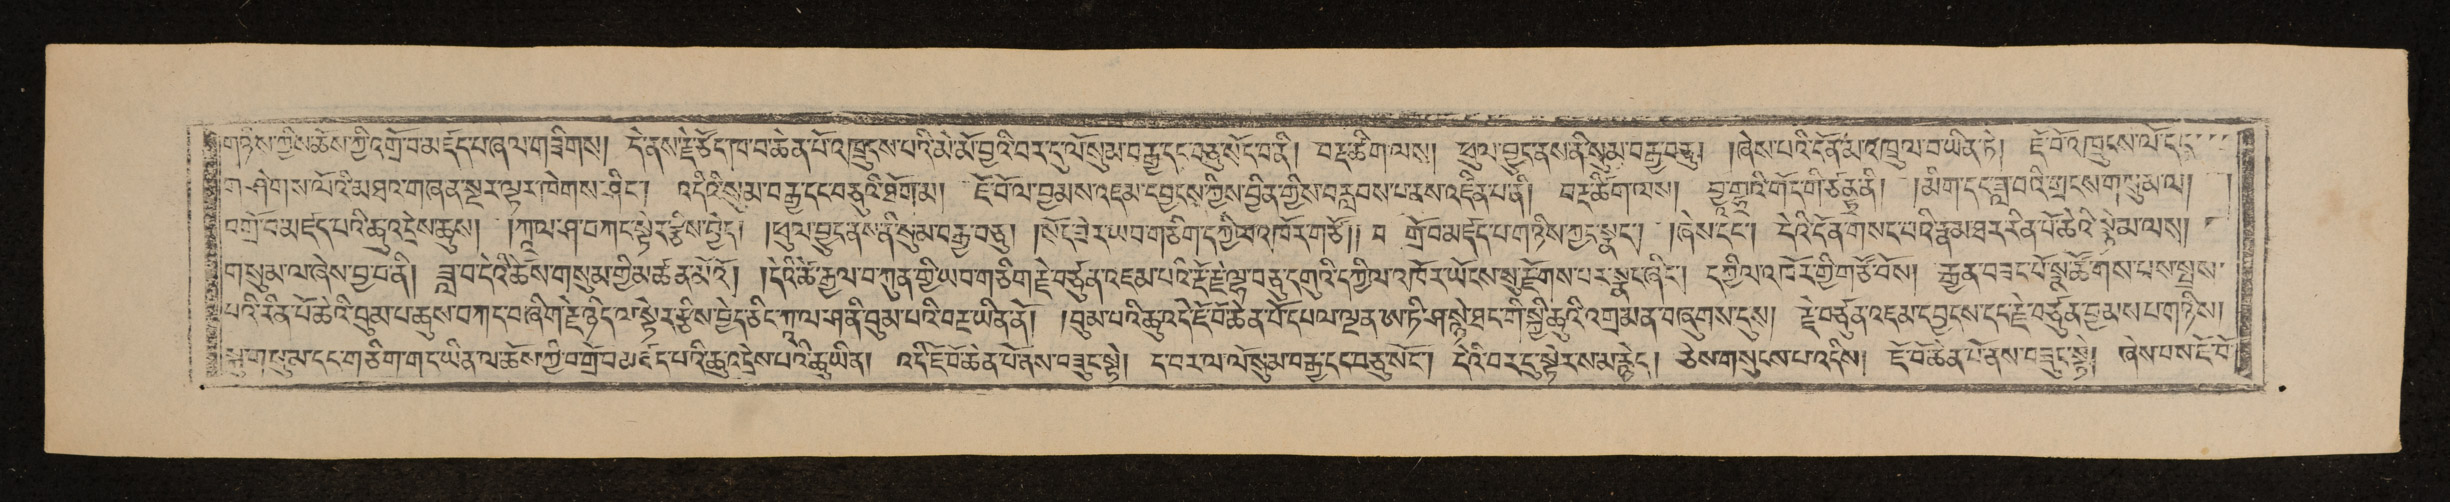གཉིས་ཀྱིས་ཆོས་ཀྱི་འགྲོ་བ་མཛད་པ་ཞལ་གཟིགས། དེ་ནས་རྗེ་ཙོང་ཁ་པ་ཆེན་པོ་འཁྲུངས་པའི་མེ་མོ་བྱའི་བར་དུ་ལོ་སུམ་བརྒྱ་དང་བཅུ་སོང་བ་ནི། བརྡ་ཚིག་ལས། ཕུལ་བྱུང་ནས་ནི་སུམ་བརྒྱ་བཅུ། །ཞེས་པའི་དོན་མི་འཁྲུལ་བ་ཡིན་ཏེ། ཇོ་བོ་འཁྲུངས་ལོ་དང་
གཤེགས་ལོའི་མཐའ་གཞན་སྔར་ལྟར་ཁེགས་ཤིང་། འདིའི་སུམ་བརྒྱ་དང་བཅུའི་ཐོག་མ། ཇོ་བོ་ལ་བྱམས་འཇམ་དབྱངས་ཀྱིས་བྱིན་གྱིས་བརླབས་པ་ནས་འཛིན་པ་ནི། བརྡ་ཚིག་ལས། བྱཱ་གྷྲའི་གོང་གི་ཙནྟྲ་ནི། །མིག་དང་ཟླ་བའི་གྲངས་གསུམ་ལ། །
བགྲོ་བ་མཛད་པའི་ཆུ་འདྲེས་ཆུས། །ཀཱ་ལ་ཤ་བཀང་སྟེར་རྩིས་བྱེད། །ཕུལ་བྱུང་ནས་ནི་སུམ་བརྒྱ་བཅུ། །སོང་ཟེར་ཡབ་གཅིག་དཀྱིལ་འཁོར་གཙོ། །བགྲོ་བ་མཛད་པ་གཉིས་ཀྱང་སྣང་། །ཞེས་དང་། དེའི་དོན་གསང་བའི་རྣམ་ཐར་རིན་པོ་ཆེའི་སྙེ་མ་ལས། །
གསུམ་ལ་ཞེས་བྱ་བ་ནི། ཟླ་བ་དེའི་ཚེས་གསུམ་གྱི་མཚན་མོའོ། །དེའི་ཚེ་རྒྱལ་བ་ཀུན་གྱི་ཡབ་གཅིག་རྗེ་བཙུན་འཇམ་པའི་རྡོ་རྗེ་ལྷ་བཅུ་དགུའི་དཀྱིལ་འཁོར་ཡོངས་སུ་རྫོགས་པར་སྣང་ཞིང་། དཀྱིལ་འཁོར་གྱི་གཙོ་བོས། རྒྱན་བཟང་པོ་སྣ་ཚོགས་པས་སྤྲས་
པའི་རིན་པོ་ཆེའི་བུམ་པ་ཆུས་བཀང་བ་ཞིག་རྗེ་ཉིད་ལ་སྟེར་རྩིས་བྱེད་ཅིང་ཀཱ་ལ་ཤ་ནི་བུམ་པའི་བརྡ་ཡིན་ནོ། །བུམ་པའི་ཆུ་འདི་ཇོ་བོ་ཆེན་པོ་དཔལ་ལྡན་ཨ་ཏི་ཤ་སྙེ་ཐང་གི་སྐྱི་ཆུའི་འགྲམ་ན་བཞུགས་དུས། རྗེ་བཙུན་འཇམ་དབྱངས་དང་རྗེ་བཙུན་བྱམས་པ་གཉིས།
སྐུ་གསུམ་དང་གཅིག་གང་ཡིན་ལ་ཆོས་ཀྱི་བགྲོ་བ་མཛད་པའི་ཆུ་འདྲེས་པའི་ཆུ་ཡིན། འདི་ཇོ་བོ་ཆེན་པོ་ནས་བཟུང་སྟེ། ད་བར་ལ་ལོ་སུམ་བརྒྱ་དང་བཅུ་སོང་། དེའི་བར་དུ་སྟེར་ས་མ་རྙེད། ཅེས་གསུངས་པ་འདིས། ཇོ་བོ་ཆེན་པོ་ནས་བཟུང་སྟེ། ཞེས་པས་ཇོ་བོ་